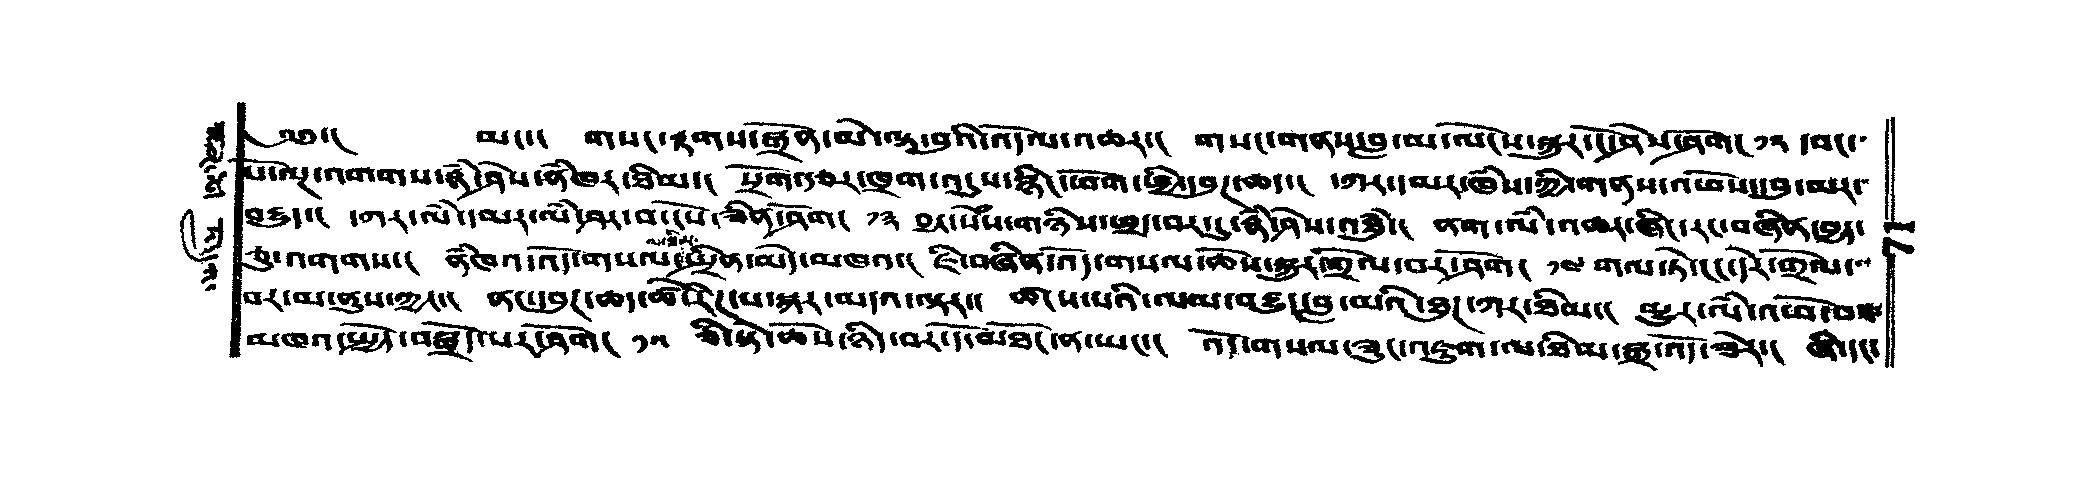མང་། །གསང་རྟགས་སྒྲོན་མེ་ལྟ་བུའི་འོད་གསལ་འཆར། །གསང་གནས་བླ་མ་ལོངས་སྐུར་ངོ་ཤེས་ཤོག །དབང་
པོ་ལྔ་འགགས་རྣམ་ཤེས་ནམ་མཁར་ཐིམ། །སྲོག་རྩར་ཁྲག་འདུས་སྙིང་ཕོག་ཕྱི་དབུགས་ཆད། །དཀར་དམར་ཁམས་ཀྱི་གནས་འཕོས་དབུ་མར་
བརྒྱུད། །དཀར་ལམ་དམར་ལམ་ཤར་བ་ངོས་ཟིན་ཤོག །བྱང་སེམས་གཉིས་ཕྲད་བར་དུ་རྣམ་ཤེས་འཐུམ། །ནག་ལམ་འཆར་ཞིང་རང་བཞིན་བརྒྱད་
བཅུ་འགགས། །ནམ་མཁའ་འོད་གསལ་ལ་ཐིམ་སྤྲིན་མེད་མཁའ། །ཇི་བཞིན་འོད་གསལ་ཆོས་སྐུར་གྲོལ་བར་ཤོག །གལ་ཏེ་ངང་དེར་གྲོལ་
བར་མ་ནུས་ཀྱང་། ནང་དབུགས་ཆད་ཚེ་རིག་པ་སྐར་མདའ་ལྟར། །ཚངས་པའི་ལམ་བརྒྱུད་བླ་མའི་ཐུགས་ཀར་ཐིམ། །མྱུར་ལམ་འཕོ་བས་
མཁའ་སྤྱོད་བསྒྲོད་པར་ཤོག །ཅི་སྟེ་ཆོས་ཉིད་བར་དོ་མཐོང་ནས་ཡང་། །འོད་གསལ་ཟུང་འཇུག་ལ་ཐིམ་སྒྲ་འོད་ཟེར། །ཞི་དང་